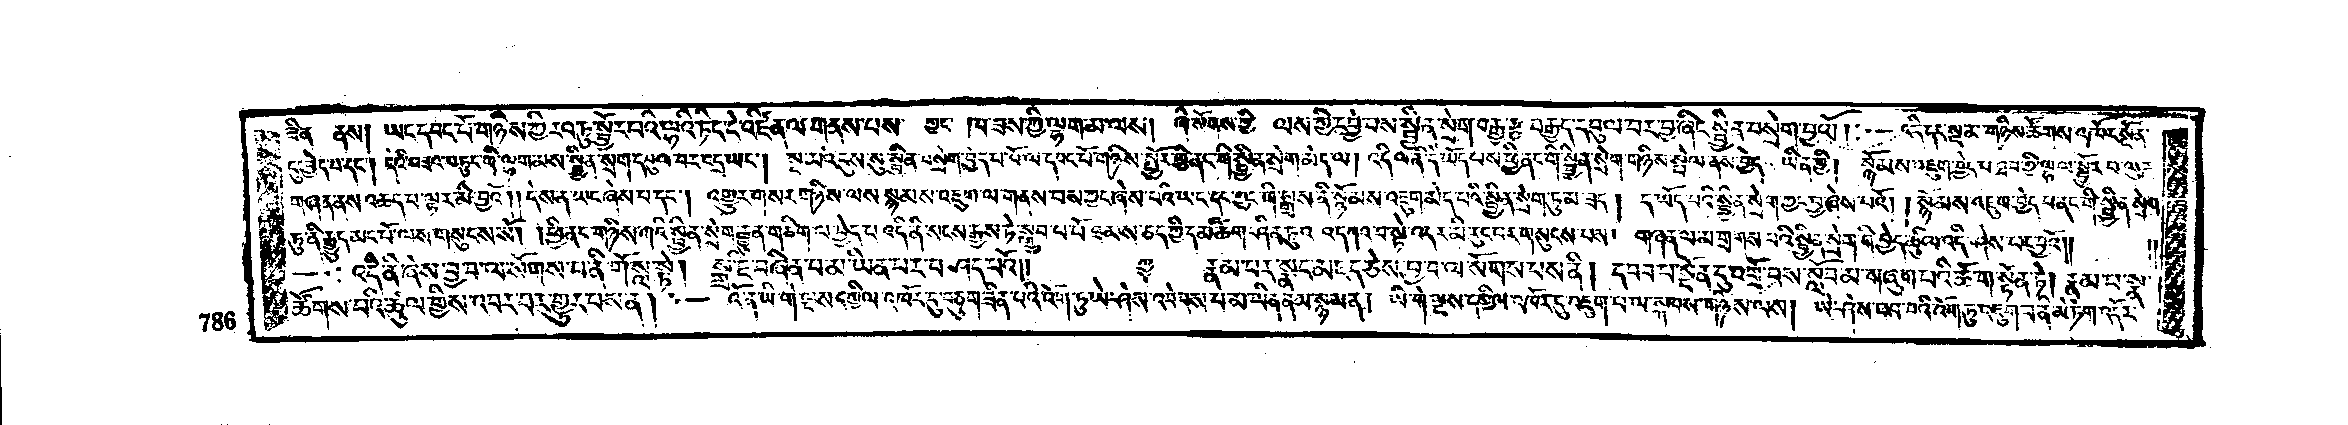ཟིན་ནས། ཡང་དབང་པོ་གཉིས་ཀྱི་རབ་ཏུ་སྦྱོར་བའི་ལྷའི་ཏིང་ངེ་འཛིན་ལ་གནས་པས་ཀྱང་ཁ་ཟས་ཀྱི་ལྷག་མ་ལས། ཞི་སོགས་ཀྱི་ལས་ཀྱི་དབྱེ་བས་སྦྱིན་སྲེག་བརྒྱ་རྩ་བརྒྱད་དབུལ་བར་བྱ་ཞིང་སྦྱིན་བསྲེག་བྱའོ།། H.་འདི་དང་སྔ་མ་གཉིས་ཚོགས་འཁོར་སྔོན་
དུ་བྱེད་པ་དང་། དེའི་བཟའ་བཏུང་གི་ལྷག་མས་སྦྱིན་སྲེག་དབུལ་བར་འདྲ་ཡང་། སྔ་མའི་དུས་སུ་སྦྱིན་པ་སྲེག་བྱེད་པ་པོ་ལ་དབང་པོ་གཉིས་སྦྱོར་གྱི་ནང་གི་སྦྱིན་སྲེག་མེད་ལ། འདི་ལ་ནི་དེ་ཡོད་པས་ཕྱི་ནང་གི་སྦྱིན་སྲེག་གཉིས་སྤེལ་ནས་བྱེད་པ་ཡིན་གྱི། སྙོམས་འཇུག་བྱེད་པ་ཐབ་ཀྱི་ལྷ་ལ་སྦྱོར་བ་ལུཌ་
གཞན་ནས་འཆད་པ་ལྟར་མི་བྱའོ། །དེས་ན་ཡང་ཞེས་པ་དང་། འགྱུར་གསར་གཉིས་ལས་སྙམས་འཇུག་ལ་གནས་པས་ཀྱང་ཞེས་པའི་ཡང་དང་ཀྱང་གི་སྒྲས་ནི་སྙོམས་འཇུག་མེད་པའི་སྦྱིན་སྲེག་ཏུ་མ་ཟད། དེ་ཡོད་པའི་སྦྱིན་སྲེག་ཀྱང་བྱ་ཞེས་པའོ། །སྙོམས་འཇུག་བྱེད་པ་ནང་གི་སྦྱིན་སྲེག་
ཏུ་ནི་རྒྱུད་མང་པོ་ལས་གསུངས་སོ། །ཕྱི་ནང་གཉིས་ཀའི་སྦྱིན་སྲེག་རྒྱུན་གཅིག་ལ་བྱེད་པ་འདི་ནི་སངས་རྒྱས་ཏེ་སྒྲུབ་པ་པོ་ཐམས་ཅད་ཀྱི་དམ་ཚིགས་ཤིན་ཏུ་འདའ་དཀའ་བ་སྟེ་འདར་མི་རུང་བར་གསུངས་པས། གཞན་ལ་མ་གྲགས་པའི་སྦྱིན་སྲེག་གི་བྱེད་ཚུལ་འདི་ཤེས་པར་བྱའོ།། །།
.H འདི་ནི་ཞེས་བྱ་བ་ལ་སོགས་པ་ནི་གོ་སླ་སྟེ། སྒྲ་ཇི་བཞིན་པ་མ་ཡིན་པར་བཤད་པའོ།། ༈ རྣམ་པར་སྣང་མཛད་ཅེས་བྱ་བ་ལ་སོགས་པས་ནི། དབབ་པ་སྔོན་དུ་འགྲོ་བས་སློབ་མ་གཞུག་པའི་ཆོ་ག་སྟོན་ཏེ། རྣམ་པ་སྣ་
ཚོགས་པའི་ཚུལ་གྱིས་འབར་བར་གྱུར་པས་ན། H.་འོ་ན་ཡི་གེ་ལྔས་དཀྱིལ་འཁོར་དུ་བཅུ་གཞིན་པའི་འོག་ཏུ་ཡེ་ཤེས་འབེབས་པ་མ་ཡིན་ནམ་སྙམ་ན། ཡི་གེ་ལྔས་དཀྱིལ་འཁོར་དུ་འཇུག་པ་ལ་སྐབས་གཉིས་ལས། ཡེ་ཤེས་ཕབ་པའི་འོག་ཏུ་འཇུག་པ་ནི་མེ་ཏོག་འདོར་